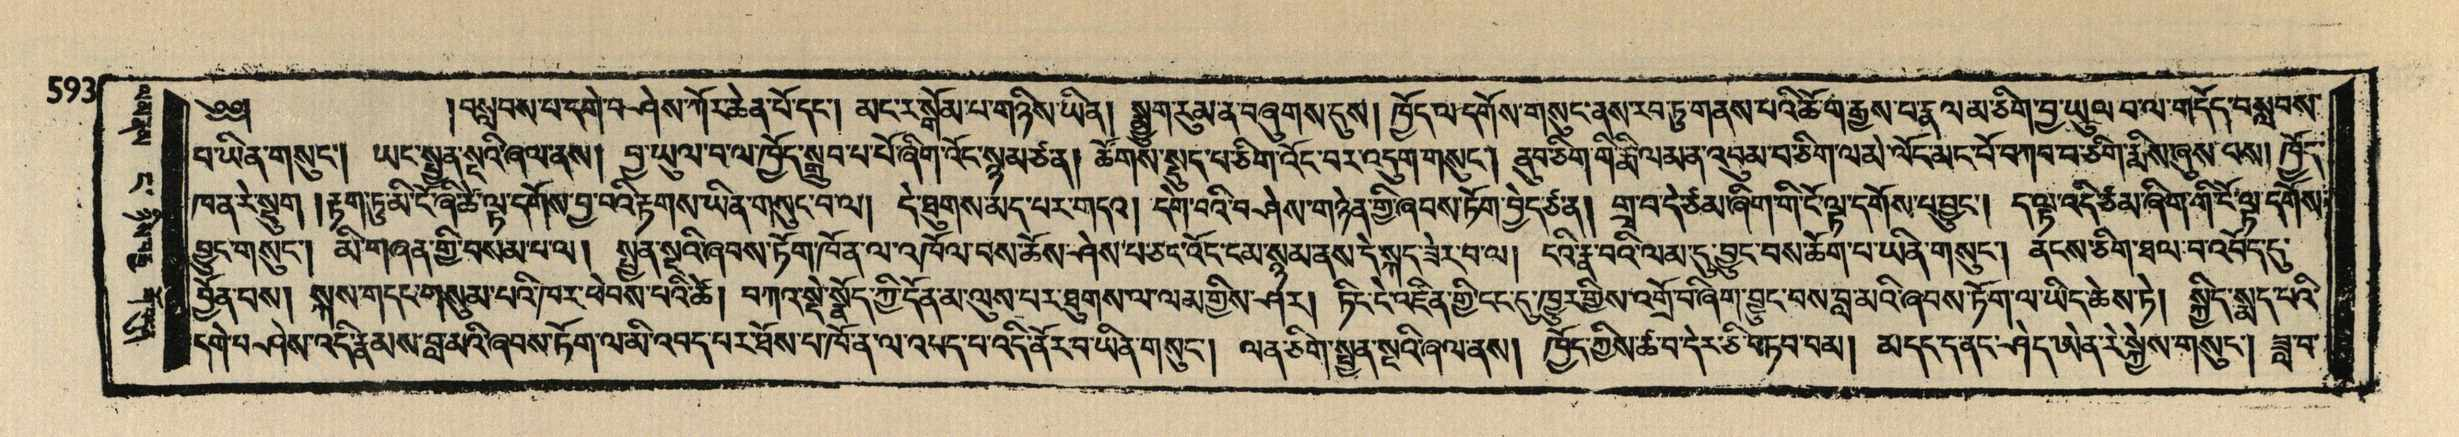༄༅། །བསླབས་པ་དགེ་བཤེས་ཀོར་ཆེན་པོ་དང་། མང་ར་སྒོམ་པ་གཉིས་ཡིན། སྨྱུག་རུམ་ན་བཞུགས་དུས། ཁྱོད་ལ་དགོས་གསུང་ནས་རབ་ཏུ་གནས་པའི་ཆོ་ག་རྒྱས་པ་རྣལ་མ་ཅིག་བྱ་ཡུལ་བ་ལ་གདོད་བསླབས་
པ་ཡིན་གསུང་། ཡང་སྤྱན་སྔའི་ཞལ་ནས། བྱ་ཡུལ་བ་ལ་ཁྱོད་སྒྲུབ་པ་པོ་ཞིག་འོང་སྙམ་ཙ་ན། ཚོགས་སྡུད་པ་ཅིག་འོང་བར་འདུག་གསུང་། ནུབ་ཅིག་གི་རྨི་ལམ་ན་འབུམ་བ་ཅིག་ལ་མེ་ལོང་མང་པོ་བཀབ་བ་ཅིག་རྨིས་ཞུས་པས། ཁྱོད་
ཁན་རེ་སྡུག །རྟག་ཏུ་མི་ངོ་ཞི་ཚེ་ལྟ་དགོས་བྱ་བའི་རྟགས་ཡིན་གསུང་བ་ལ། དེ་ཐུགས་མད་པར་གདའ། དགེ་བའི་བཤེས་གཉེན་གྱི་ཞབས་ཏོག་བྱེད་ཙ་ན། གྲྭ་བ་དེ་ཙམ་ཞིག་གི་ངོ་ལྟ་དགོས་པ་བྱུང་། ད་ལྟ་འདི་ཙམ་ཞིག་གི་ངོ་ལྟ་དགོས་
བྱུང་གསུང་། མི་གཞན་གྱི་བསམ་པ་ལ། སྤྱན་སྔའི་ཞབས་ཏོག་ཁོན་ལ་འཁོལ་བས་ཆོས་ཤེས་པ་ཅང་འོང་ངམ་སྙམ་ནས་དེ་སྐད་ཟེར་བ་ལ། ངའི་རྣ་བའི་ལམ་དུ་བྱུང་བས་ཆོག་པ་ཡིན་གསུང་། ནངས་ཅིག་ཐལ་བ་འབོད་དུ་
བྱོན་པས། སྐས་གདང་གསུམ་པའི་ཁར་ཕེབས་པའི་ཚེ། བཀའ་སྡེ་སྣོད་ཀྱི་དོན་མ་ལུས་པར་ཐུགས་ལ་ལམ་གྱིས་ཤར། ཏིང་ངེ་འཛིན་གྱི་ངང་དུ་ཁྱུར་གྱིས་འགྲོ་བ་ཞིག་བྱུང་བས་བླ་མའི་ཞབས་ཏོག་ལ་ཡིད་ཆེས་ཏེ། སྐྱིད་སྨད་པའི་
དགེ་པ་ཤེས་འདི་རྣམས་བླ་མའི་ཞབས་ཏོག་ལ་མི་འབད་པར་ཐོས་པ་ཁོ་ན་ལ་འབད་པ་འདི་ནོར་བ་ཡིན་གསུང་། ལན་ཅིག་སྤྱན་སྔའི་ཞལ་ནས། ཁྱོད་ཀྱིས་ཚ་བ་དེར་ཅི་བཏབ་བམ། མདང་ད་ནང་ཤེད་ཨེན་རེ་སྐྱེས་གསུང་། ཟླ་བ་